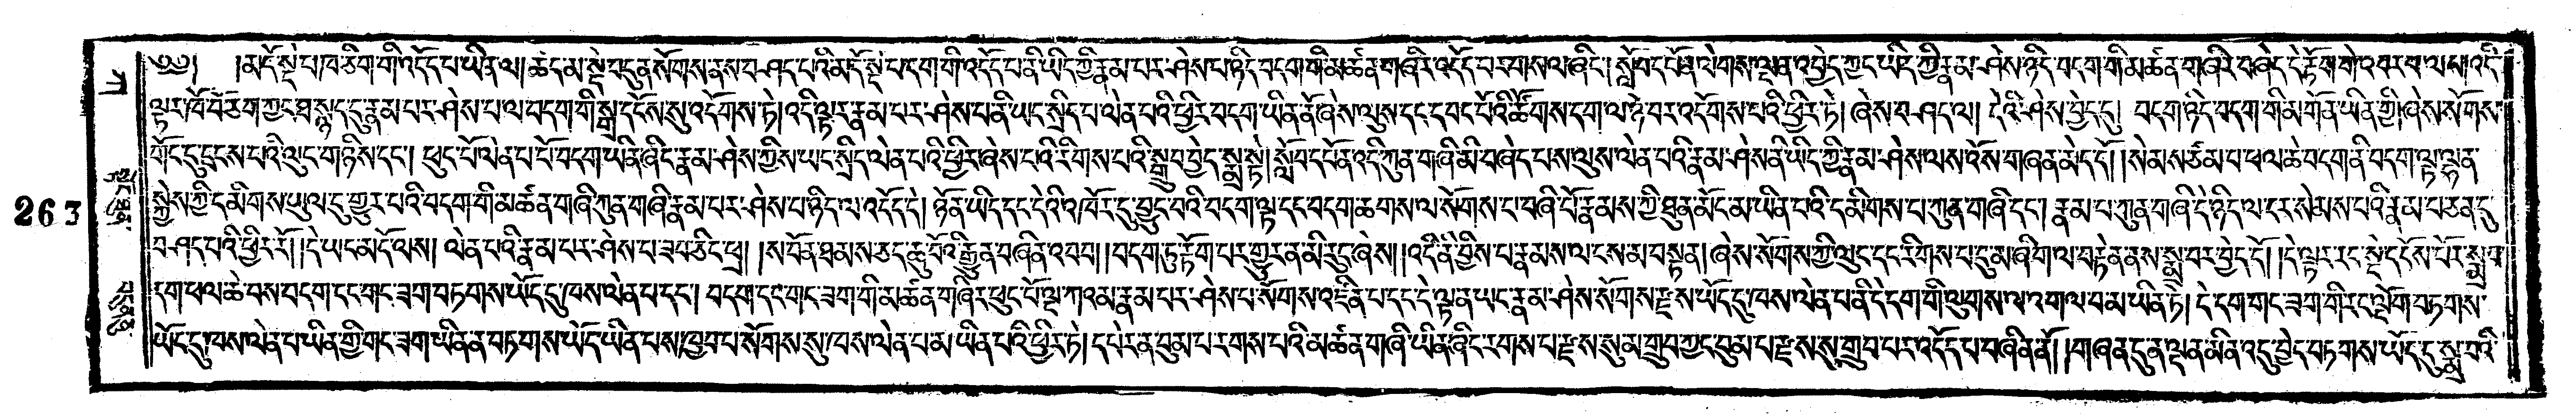༄༅། །མདོ་སྡེ་པ་ཁ་ཅིག་གི་འདོད་པ་ཡིན་ལ། ཚད་མ་སྡེ་བདུན་སོགས་ནས་བཤད་པའི་མདོ་སྡེ་པ་དག་གི་འདོད་པ་ནི་ཡིད་ཀྱི་རྣམ་པར་ཤེས་པ་ཉིད་བདག་གི་མཚན་གཞིར་འདོད་པར་གསལ་ཞིང་། སློབ་དཔོན་ལེགས་ལྡན་འབྱེད་ཀྱང་ཡིད་ཀྱི་རྣམ་ཤེས་ཉིད་བདག་གི་མཚན་གཞིར་བཞེད་དེ་རྟོག་གེ་འབར་བ་ལས། འདི་
ལྟར་ཁོ་བོ་ཅག་ཀྱང་ཐ་སྙད་དུ་རྣམ་པར་ཤེས་པ་ལ་བདག་གི་སྒྲ་དངོས་སུ་འདོགས་ཏེ། འདི་ལྟར་རྣམ་པར་ཤེས་པ་ནི་ཡང་སྲིད་པ་ལེན་པའི་ཕྱིར་བདག་ཡིན་ནོ་ཞེས་ལུས་དང་དབང་པོའི་ཚོགས་དག་ལ་ཉེ་བར་འདོགས་པའི་ཕྱིར་ཏེ། ཞེས་བཤད་ལ། དེའི་ཤེས་བྱེད་དུ། བདག་ཉིད་བདག་གི་མགོན་ཡིན་གྱི། ཞེས་སོགས་
གོང་དུ་དྲངས་པའི་ལུང་གཉིས་དང་། ཕུང་པོ་ལེན་པ་པོ་བདག་ཡིན་ཞིང་རྣམ་ཤེས་ཀྱིས་ཡང་སྲིད་ལེན་པའི་ཕྱིར་ཞེས་པའི་རིགས་པའི་སྒྲུབ་བྱེད་སྨྲ་སྟེ། སློབ་དཔོན་འདི་ཀུན་གཞི་མི་བཞེད་པས་ལུས་ལེན་པའི་རྣམ་ཤེས་ནི་ཡིད་ཀྱི་རྣམ་ཤེས་ལས་འོས་གཞན་མེད་དོ། །སེམས་ཙམ་པ་ཕལ་ཆེ་བདག་ནི་བདག་ལྟ་ལྷན་
སྐྱེས་ཀྱི་དམིགས་ཡུལ་དུ་གྱུར་པའི་བདག་གི་མཚན་གཞི་ཀུན་གཞི་རྣམ་པར་ཤེས་པ་ཉིད་ལ་འདོད་དེ། ཉོན་ཡིད་དང་དེའི་འཁོར་དུ་བྱུང་བའི་བདག་ལྟ་དང་བདག་ཆགས་ལ་སོགས་པ་བཞི་པོ་རྣམས་ཀྱི་ཐུན་མོང་མ་ཡིན་པའི་དམིགས་པ་ཀུན་གཞི་དང་། རྣམ་པ་ཀུན་གཞི་དེ་ཉིད་ལ་ངར་སེམས་པའི་རྣམ་པ་ཅན་དུ་
བཤད་པའི་ཕྱིར་རོ། །དེ་ཡང་མདོ་ལས། ལེན་པའི་རྣམ་པར་ཤེས་པ་ཟབ་ཅིང་ཕྲ། །ས་བོན་ཐམས་ཅད་ཆུ་བོའི་རྒྱུན་བཞིན་འབབ། །བདག་ཏུ་རྟོག་པར་གྱུར་ན་མི་རུང་ཞེས། །འདི་ནི་བྱིས་པ་རྣམས་ལངས་མ་བསྟན། ཞེས་སོགས་ཀྱི་ལུང་དང་རིགས་པ་དུ་མ་ཞིག་ལ་བརྟེན་ནས་སྨྲ་བར་བྱེད་དོ། །དེ་ལྟར་རང་སྡེ་དངོས་པོར་སྨྲ་བ་
དག་ཕལ་ཆེ་བས་བདག་དང་གང་ཟག་བཏགས་ཡོད་དུ་ཁས་ལེན་པ་དང་། བདག་དང་གང་ཟག་གི་མཚན་གཞིར་ཕུང་པོ་ལྔ་ཀའམ་རྣམ་པར་ཤེས་པ་སོགས་འཛིན་པ་དང་དེ་ལྟ་ན་ཡང་རྣམ་ཤེས་སོགས་རྫས་ཡོད་དུ་ཁས་ལེན་པ་ནི་དེ་དག་གི་ལུགས་ལ་འགལ་བ་མ་ཡིན་ཏེ། དེ་དག་གང་ཟག་གི་རང་ལྡོག་བཏགས་
ཡོད་དུ་ཁས་ལེན་པ་ཡིན་གྱི་གང་ཟག་ཡིན་ན་བཏགས་ཡོད་ཡིན་པས་ཁྱབ་པ་སོགས་སུ་ཁས་ལེན་པ་མ་ཡིན་པའི་ཕྱིར་ཏེ། དཔེར་ན་བུམ་པ་རགས་པའི་མཚན་གཞི་ཡིན་ཞིང་རགས་པ་རྫས་སུ་མ་གྲུབ་ཀྱང་བུམ་པ་རྫས་སུ་གྲུབ་པར་འདོད་པ་བཞིན་ནོ། །གཞན་དུ་ན་ལྡན་མིན་འདུ་བྱེད་བཏགས་ཡོད་དུ་སྨྲ་བའི་